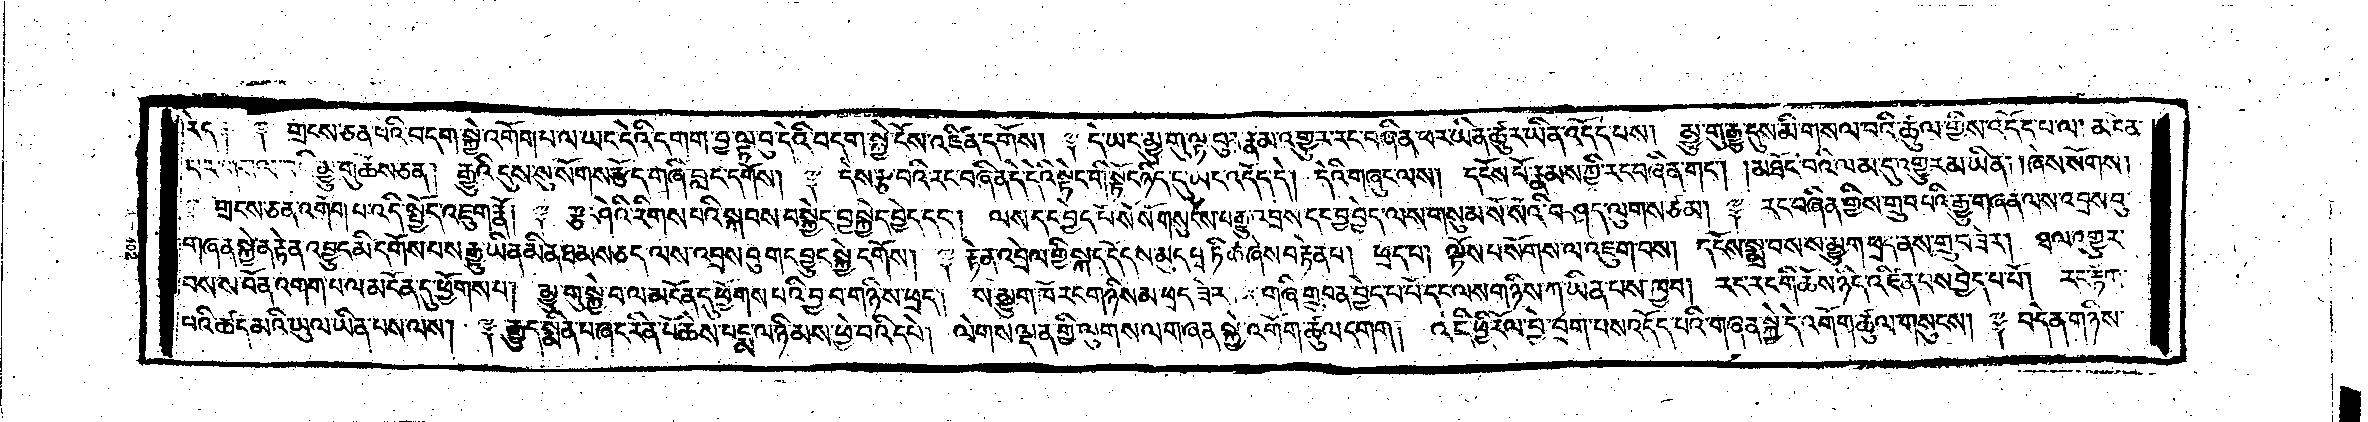རེད༑ ༈ གྲངས་ཅན་པའི་བདག་སྐྱེ་འགོག་པ་ལ་ཡང་དེའི་དགག་བྱ་ལྟ་བུ་དེའི་བདག་སྐྱེ་ངོས་འཛིན་དགོས། ༈ དེ་ཡང་མྱུ་གུ་ལྟ་བུར་རྣམ་འགྱུར་རང་བཞིན་ཕར་ཡིན་ཚུར་ཡིན་འདོད་པས། མྱུ་གུ་རྒྱུ་དུས་མི་གསལ་བའི་ཚུལ་གྱིས་འདོད་པ་ལ། མངོན་
པར་གསལ་བའི་མྱུ་གུ་ཆོས་ཅན། རྒྱུའི་དུས་སུ་སོགས་རྩོད་གཞི་བླང་དགོས། ༈ དེས་རྩ་བའི་རང་བཞིན་དེ་དེའི་སྟེང་གི་སྟོང་ཉིད་དུ་ཡང་འདོད་དེ། དེའི་གཞུང་ལས། དངོས་པོ་རྣམས་ཀྱི་རང་བཞིན་གང་། །མཐོང་བའི་ལམ་དུ་འགྱུར་མ་ཡིན། །ཞེས་སོགས།
༈ གྲངས་ཅན་འགོག་པ་འདི་སྤྱོད་འཇུག་རྣོ། ༈ རྩ་ཤེའི་རིགས་པའི་སྐབས་བསྐྱེད་བྱ་སྐྱེད་བྱེད་དང་། ལས་དང་བྱེ་པོ་སོ་སོ་གསུངས་བརྒྱ་འབྲས་དང་བྱ་བྱེད་ལས་གསུམ་སོ་སོའི་བཤད་ལུགས་ཙམ། ༈ རང་བཞིན་གྱིས་གྲུབ་པའི་རྒྱུ་གཞན་ལས་འབྲས་བུ་
གཞན་སྐྱེ་ན་རྟེན་འབྱུང་མི་དགོས་པས་རྒྱུ་ཡིན་མིན་ཐམས་ཅད་ལས་འབྲས་བུ་གང་བྱུང་སྐྱེ་དགོས། ༈ རྟེན་འབྲེལ་གྱི་སྐད་དངོས་མུད་པྲ་ཏི་ཚ་ཞེས་བརྟེན་པ། ཕྲད་པ། ལྟོས་པ་སོགས་ལ་འཇུག་པས། དངོས་སྨྲ་བས་ས་མྱུག་ཕྲད་ནས་གྲུབ་ཟེར། ཐལ་འགྱུར་
བས་ས་བོན་འགག་པ་ལ་མངོན་དུ་ཕྱོག་པ། མྱུ་གུ་སྐྱེ་བ་ལ་མངོན་དུ་ཕྱོགས་པའི་བྱ་བ་གཉིས་ཕད། ས་མྱུག་ཁོ་རང་གཉིས་མ་ཕྲད་ཟེར། ྾་གཞི་གྲུབ་ན་བྱེད་པ་པོ་དང་ལས་གཉིས་ཀ་ཡིན་པས་ཁྱབ། རང་རང་གི་ཆོས་ཉིད་འཛིན་པས་བྱེད་པ་པོ། རང་རྟོག་
པའི་ཚད་མའི་ཡུལ་ཡིན་པས་ལས། ༈ རྒྱུད་སྨིན་པ་ཞང་རིན་པོ་ཆོས་པདམ་ལ་ཉི་མས་ཕྱེ་བའི་དཔེ། ལེགས་ལྡན་གྱི་ལུགས་ལ་གཞན་སྐྱེ་འགོག་ཚུལ་དགག །འདི་ཕྱི་རོལ་བྱེ་བྲག་པས་འདོད་པའི་གཞན་སྐྱེ་དེ་འགོག་ཚུལ་གསུངས། ༈ བདེན་གཉིས་